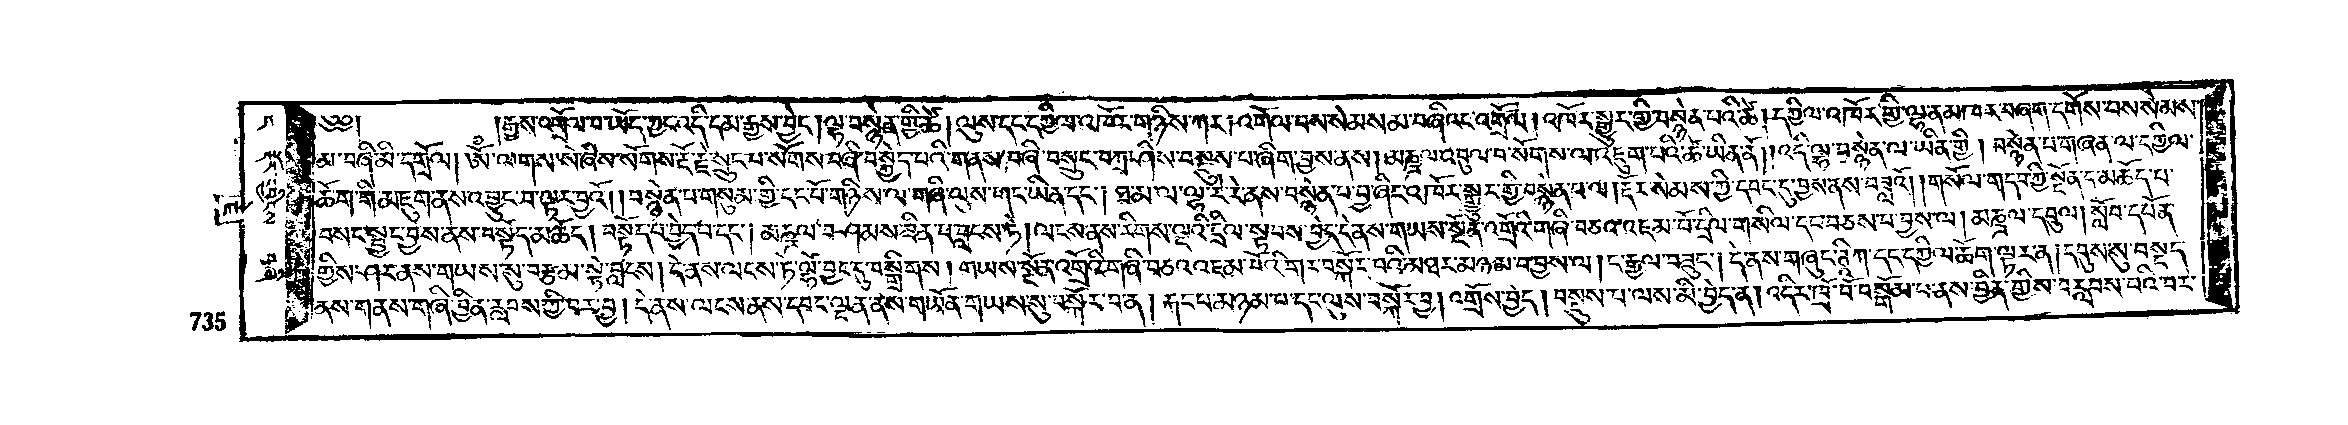༄༅། །རྒྱས་འགྲོལ་བ་ཡོད་ཀྱང་འདི་དམ་རྒྱས་བྱེད། ལྷ་བསྙེན་གྱི་ཚེ། ལུས་དང་དཀྱིལ་འཁོར་གཉིས་ཀར། འགོལ་བས་སེམས་མ་བཞིའང་འགྲོལ། འཁོར་སྒྱུར་གྱི་བསྙེན་པའི་ཚེ། དཀྱིལ་འཁོར་གྱི་ལྷ་ནམ་མཁར་བཞག་དགོས་པས་སེམས་
མ་བཞི་མི་དགྲོལ། ཨོཾ་ལགས་ཨེ་ཞེས་སོགས་རྡོ་རྗེ་སྲུང་པ་སོགས་བཞི་བསྐྱེད་པའི་གནས་བཞི་བསྲུང་བཀྲ་ཤིས་བསྡུས་པ་ཞིག་བྱས་ནས། མཎྜལ་འབུལ་བ་སོགས་ལ་འཇུག་པའི་ཚེ་ཡིན་ནོ། །འདི་ལྷ་བསྙེན་ལ་ཡིན་གྱི། བསྙེན་པ་གཞན་ལ་དཀྱིལ་
ཆོག་གི་མཇུག་ནས་འབྱུང་བ་ལྟར་བྱའོ། །བསྙེན་པ་གསུམ་གྱི་དང་པོ་གཉིས་ལ་གཞི་ལུས་གང་ཡིན་དང་། ཐ་མ་ལ་ལྷ་རེ་རེ་ནས་བསྙེན་པ་བྱ་ཞིང་འཁོར་སྒྱུར་གྱི་བསྙེན་པ་ལ། རྡོར་སེམས་ཀྱི་དབང་དུ་བྱས་ནས་བཟླའོ། །གསོལ་གདབ་ཀྱི་སྔོན་ད་མཆོད་པ་
བསང་སྦྱང་བྱས་ནས་བསྟོད་མཆོད། བསྟོད་པ་བྱེད་པ་དང་། མཎྜལ་བཤམས་ཟིན་པ་བླངས་ཏེ། ལངས་ནས་རིགས་ལྔའི་དྲིལ་སྟབས་བྱེད་དེ་ནས་གཡས་སྔོན་འགྲོའི་གཞི་བཅའ་འཇམ་པོ་དྲིལ་གསིལ་དང་བཅས་པ་བྱས་ལ། མཎྜལ་དབུལ། སློབ་དཔོན་
གྱིས་ཤར་ནས་གཡས་སུ་བརྩམ་སྟེ་བླངས། དེ་ནས་ལངས་ཏེ་ལྷོ་བྱང་དུ་བསྒྲིགས། གཡས་སྔོན་འགྲོའི་གཞི་བཅའ་འཇམ་པོའི་གར་བསྐོར་བའི་མཐར་མཉམ་པ་བྱས་ལ། ང་རྒྱལ་བཟུང་། དེ་ནས་གཞུང་ཊཱིཀ་དང་དཀྱིལ་ཆོག་ལྟར་ན། དབུས་སུ་བསྡད་
ནས་གནས་གཞི་བྱིན་རླབས་ཀྱི་བར་བྱ། དེ་ནས་ལངས་ནས་དབང་ལྡན་ནས་གཡོན་གཡས་སུ་བསྐོར་བ་ན། རྐང་པ་མཉམ་པ་དང་ལུས་བསྐོར་བྱ། འགྲོས་བྱེད། བསྡུས་པ་ལས་མི་བྱེད་ན། འདིར་ཁྲོ་བོ་བསྒོམ་པ་ནས་བྱིན་གྱིས་བརླབས་པའི་བར་